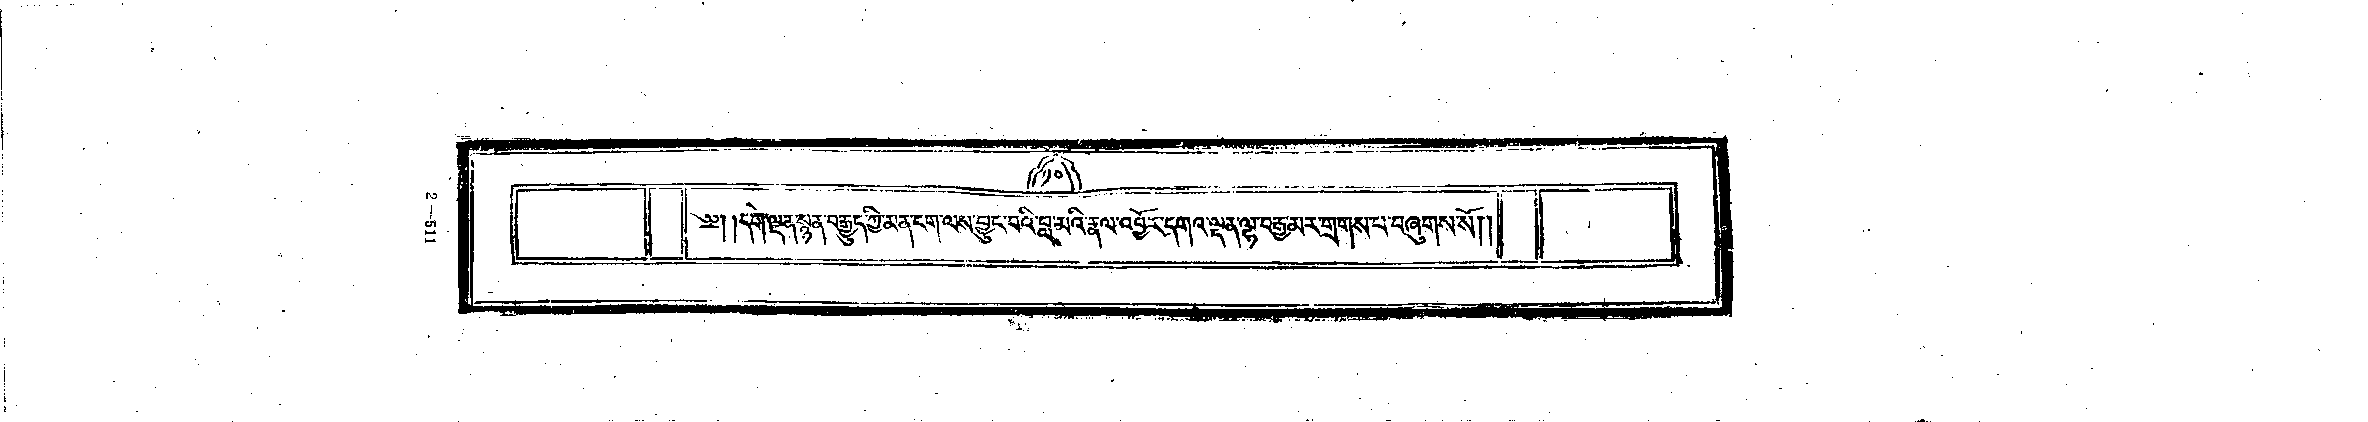༄༅། །དགེ་ལྡན་སྙན་བརྒྱུད་ཀྱི་མན་ངག་ལས་བྱུང་བའི་བླ་མའི་རྣལ་འབྱོར་དགའ་ལྡན་ལྷ་བརྒྱ་མར་གྲགས་པ་བཞུགས་སོ།།